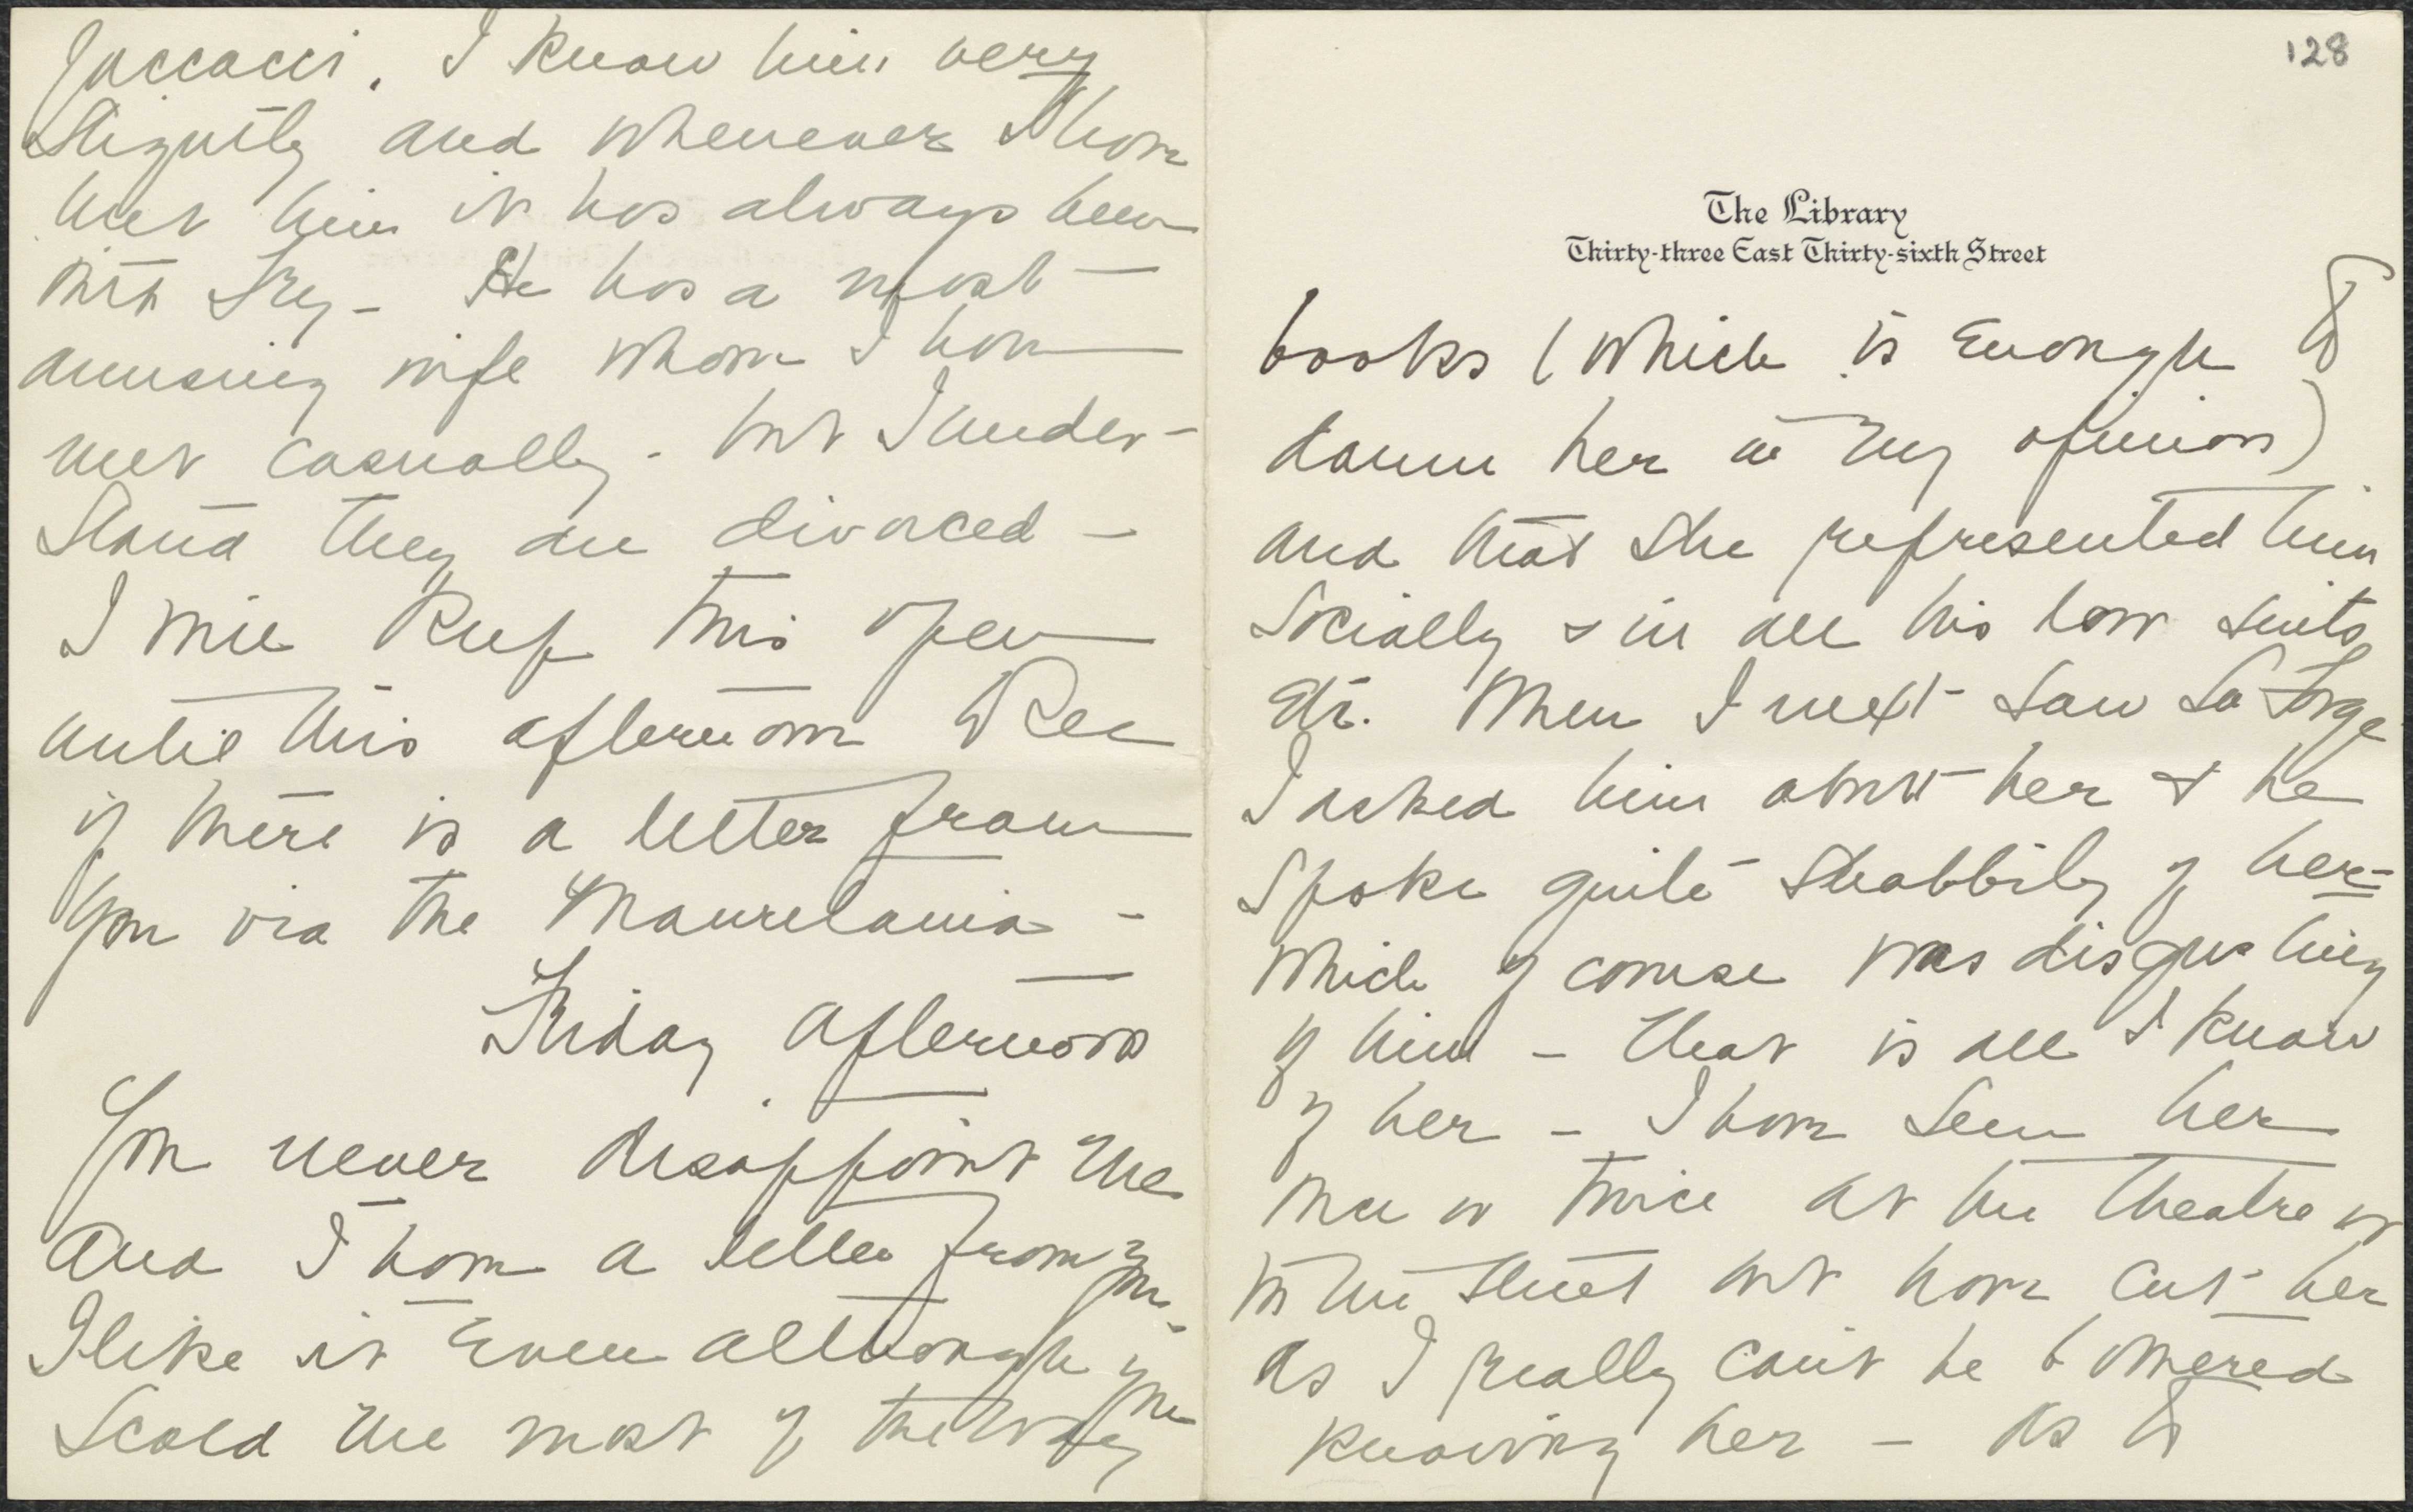books (which is enough to damn her in my opinion) and that she represented him socially & in all his law suits etc. When I next saw La Farge I asked him about her & he spoke quite shabbily of her – which of course was disgusting of him – That is all I know of her – I have seen her once or twice at the theatre or in the street but have cut her as I really can’t be bothered knowing her – as to
Jaccacci [sic], I know him very slightly and whenever I have met him it has always been with Fry – He has a most amusing wife whom I have met casually – but I understand they are divorced – I will keep this open until this afternoon to see if there is a letter from you via the Mauritania –
Friday afternoon
You never disappoint me and I have a letter from you – I like it even although you scold me most of the way